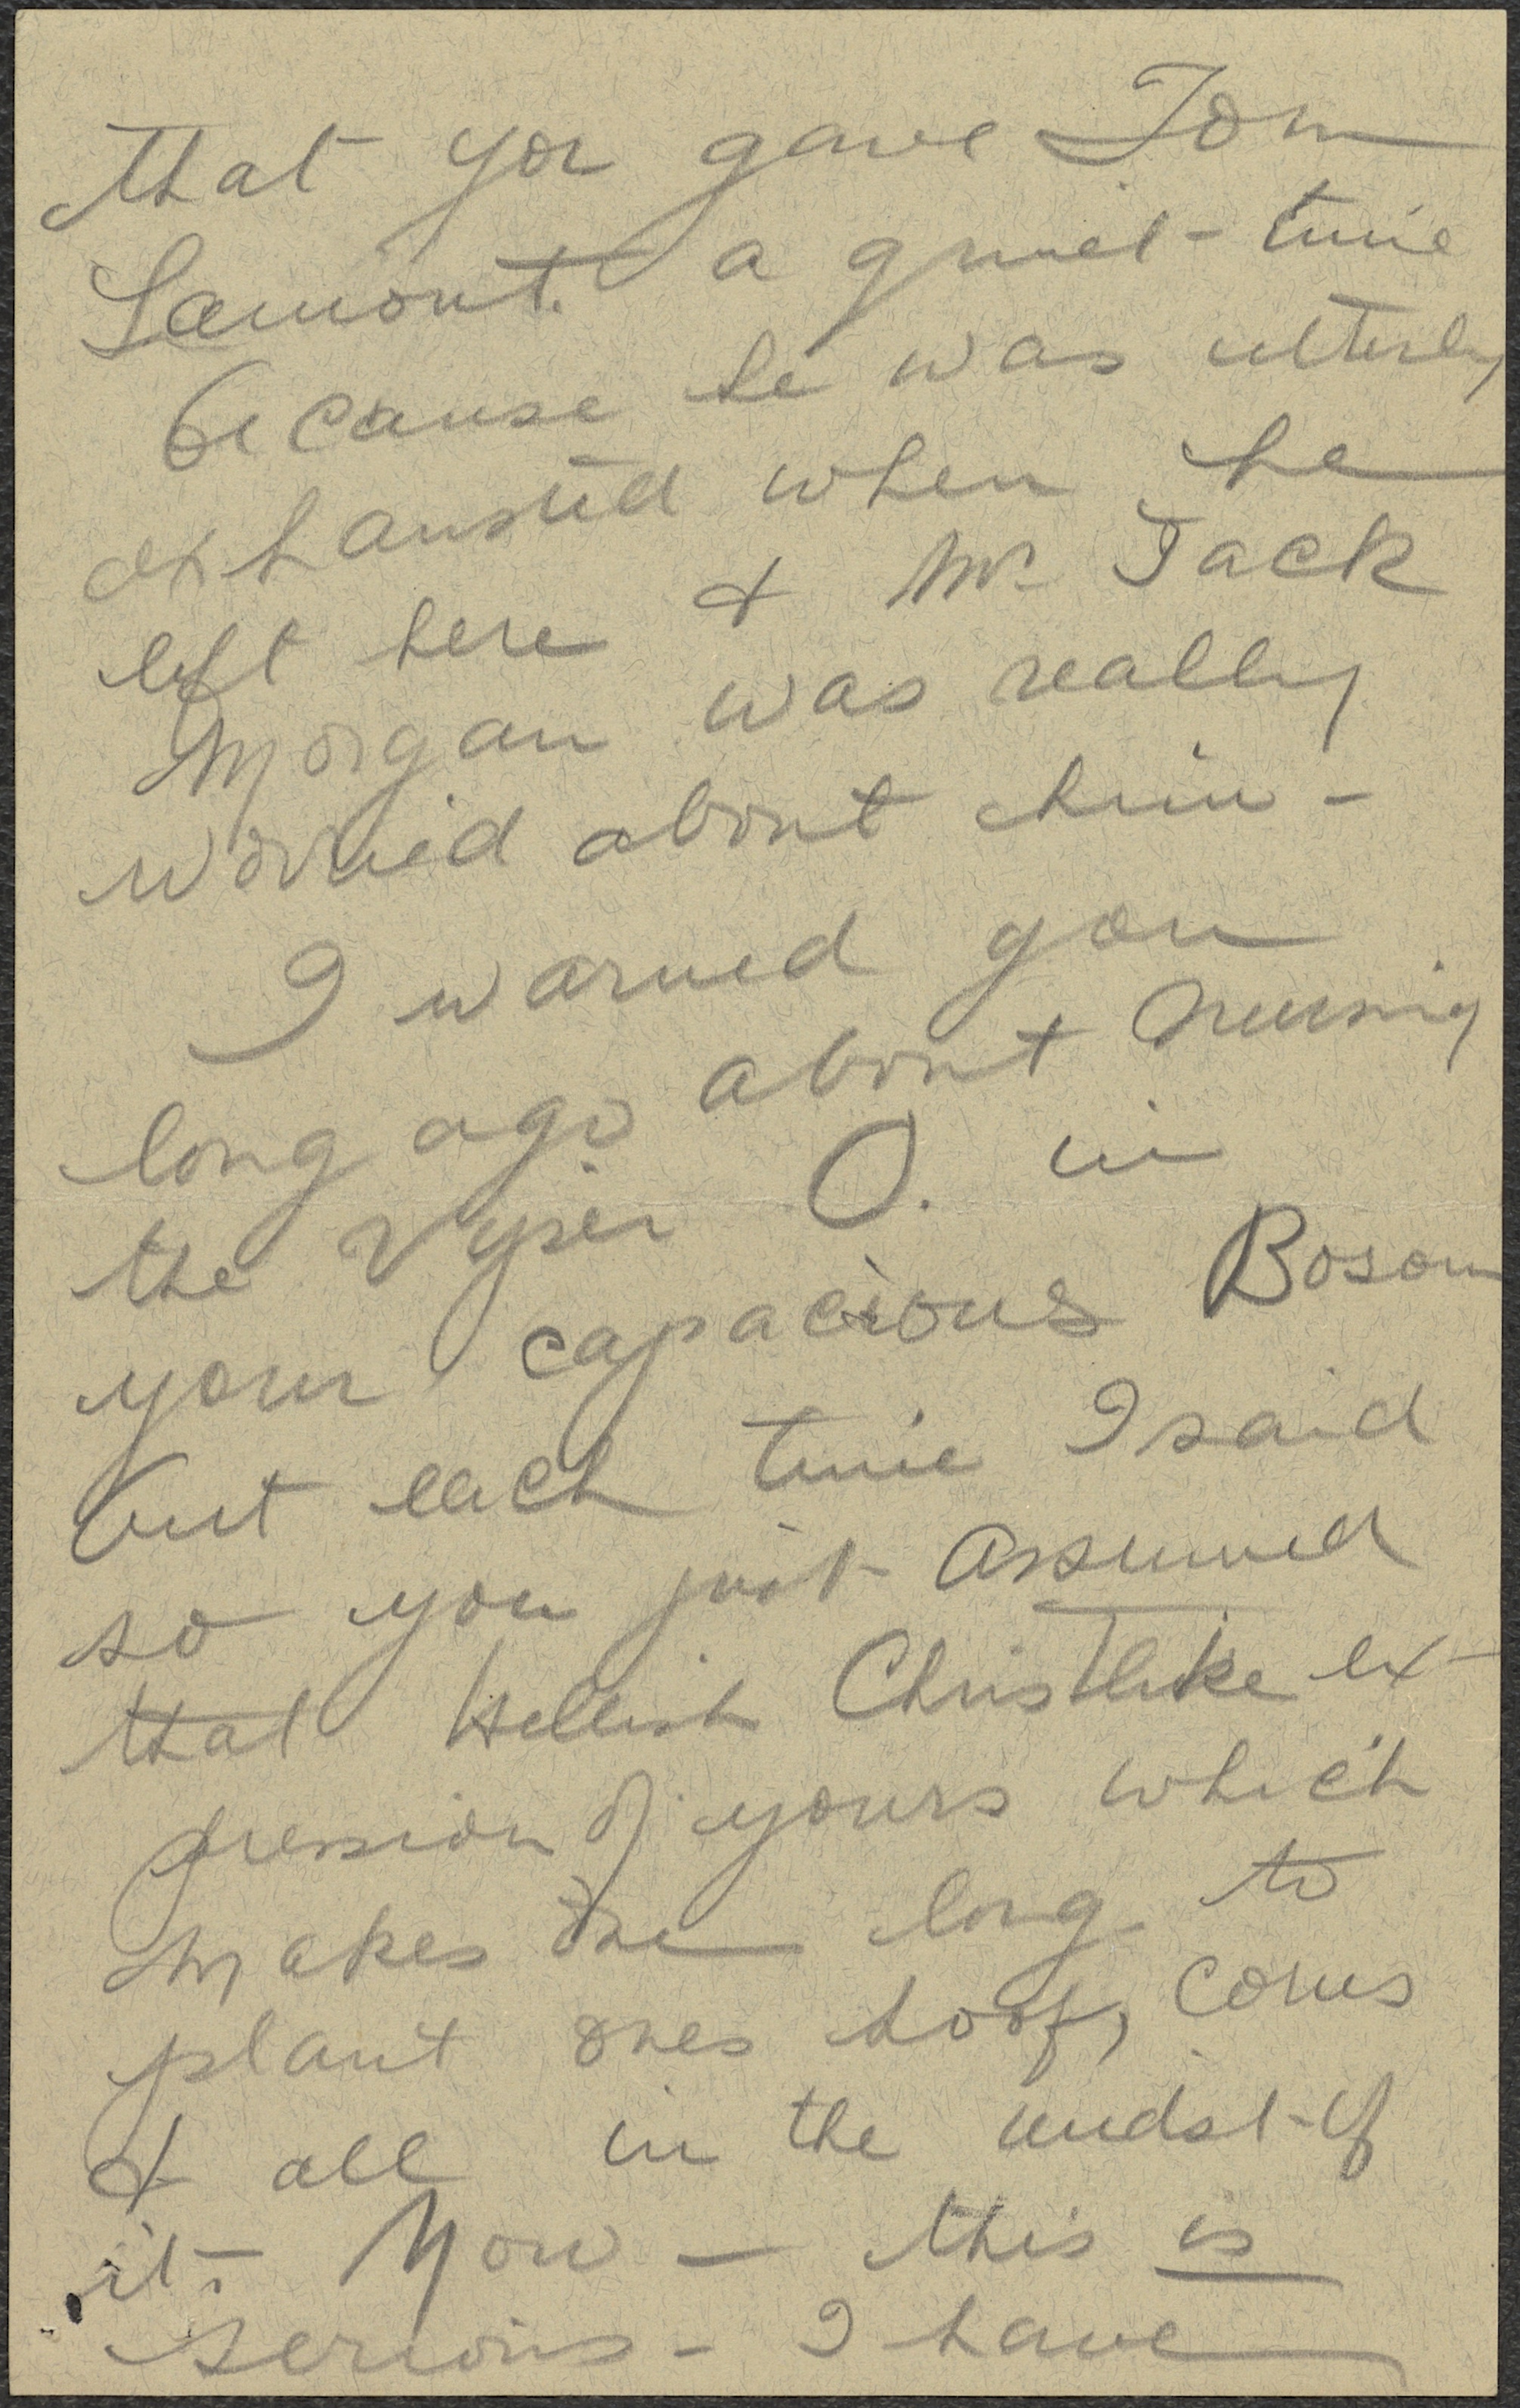that you gave Tom Lamont a quiet time because he was utterly exhausted when he left here & Mr. Jack Morgan was really worried about him –
I warned you long ago about nursing the Vysin O. in your capacious Bosom but each time I said so you just assumed that Hellish Christlike expression of yours which makes one long to plant ones hoof, cows & all in the midst of it. Now – this is serious – I have